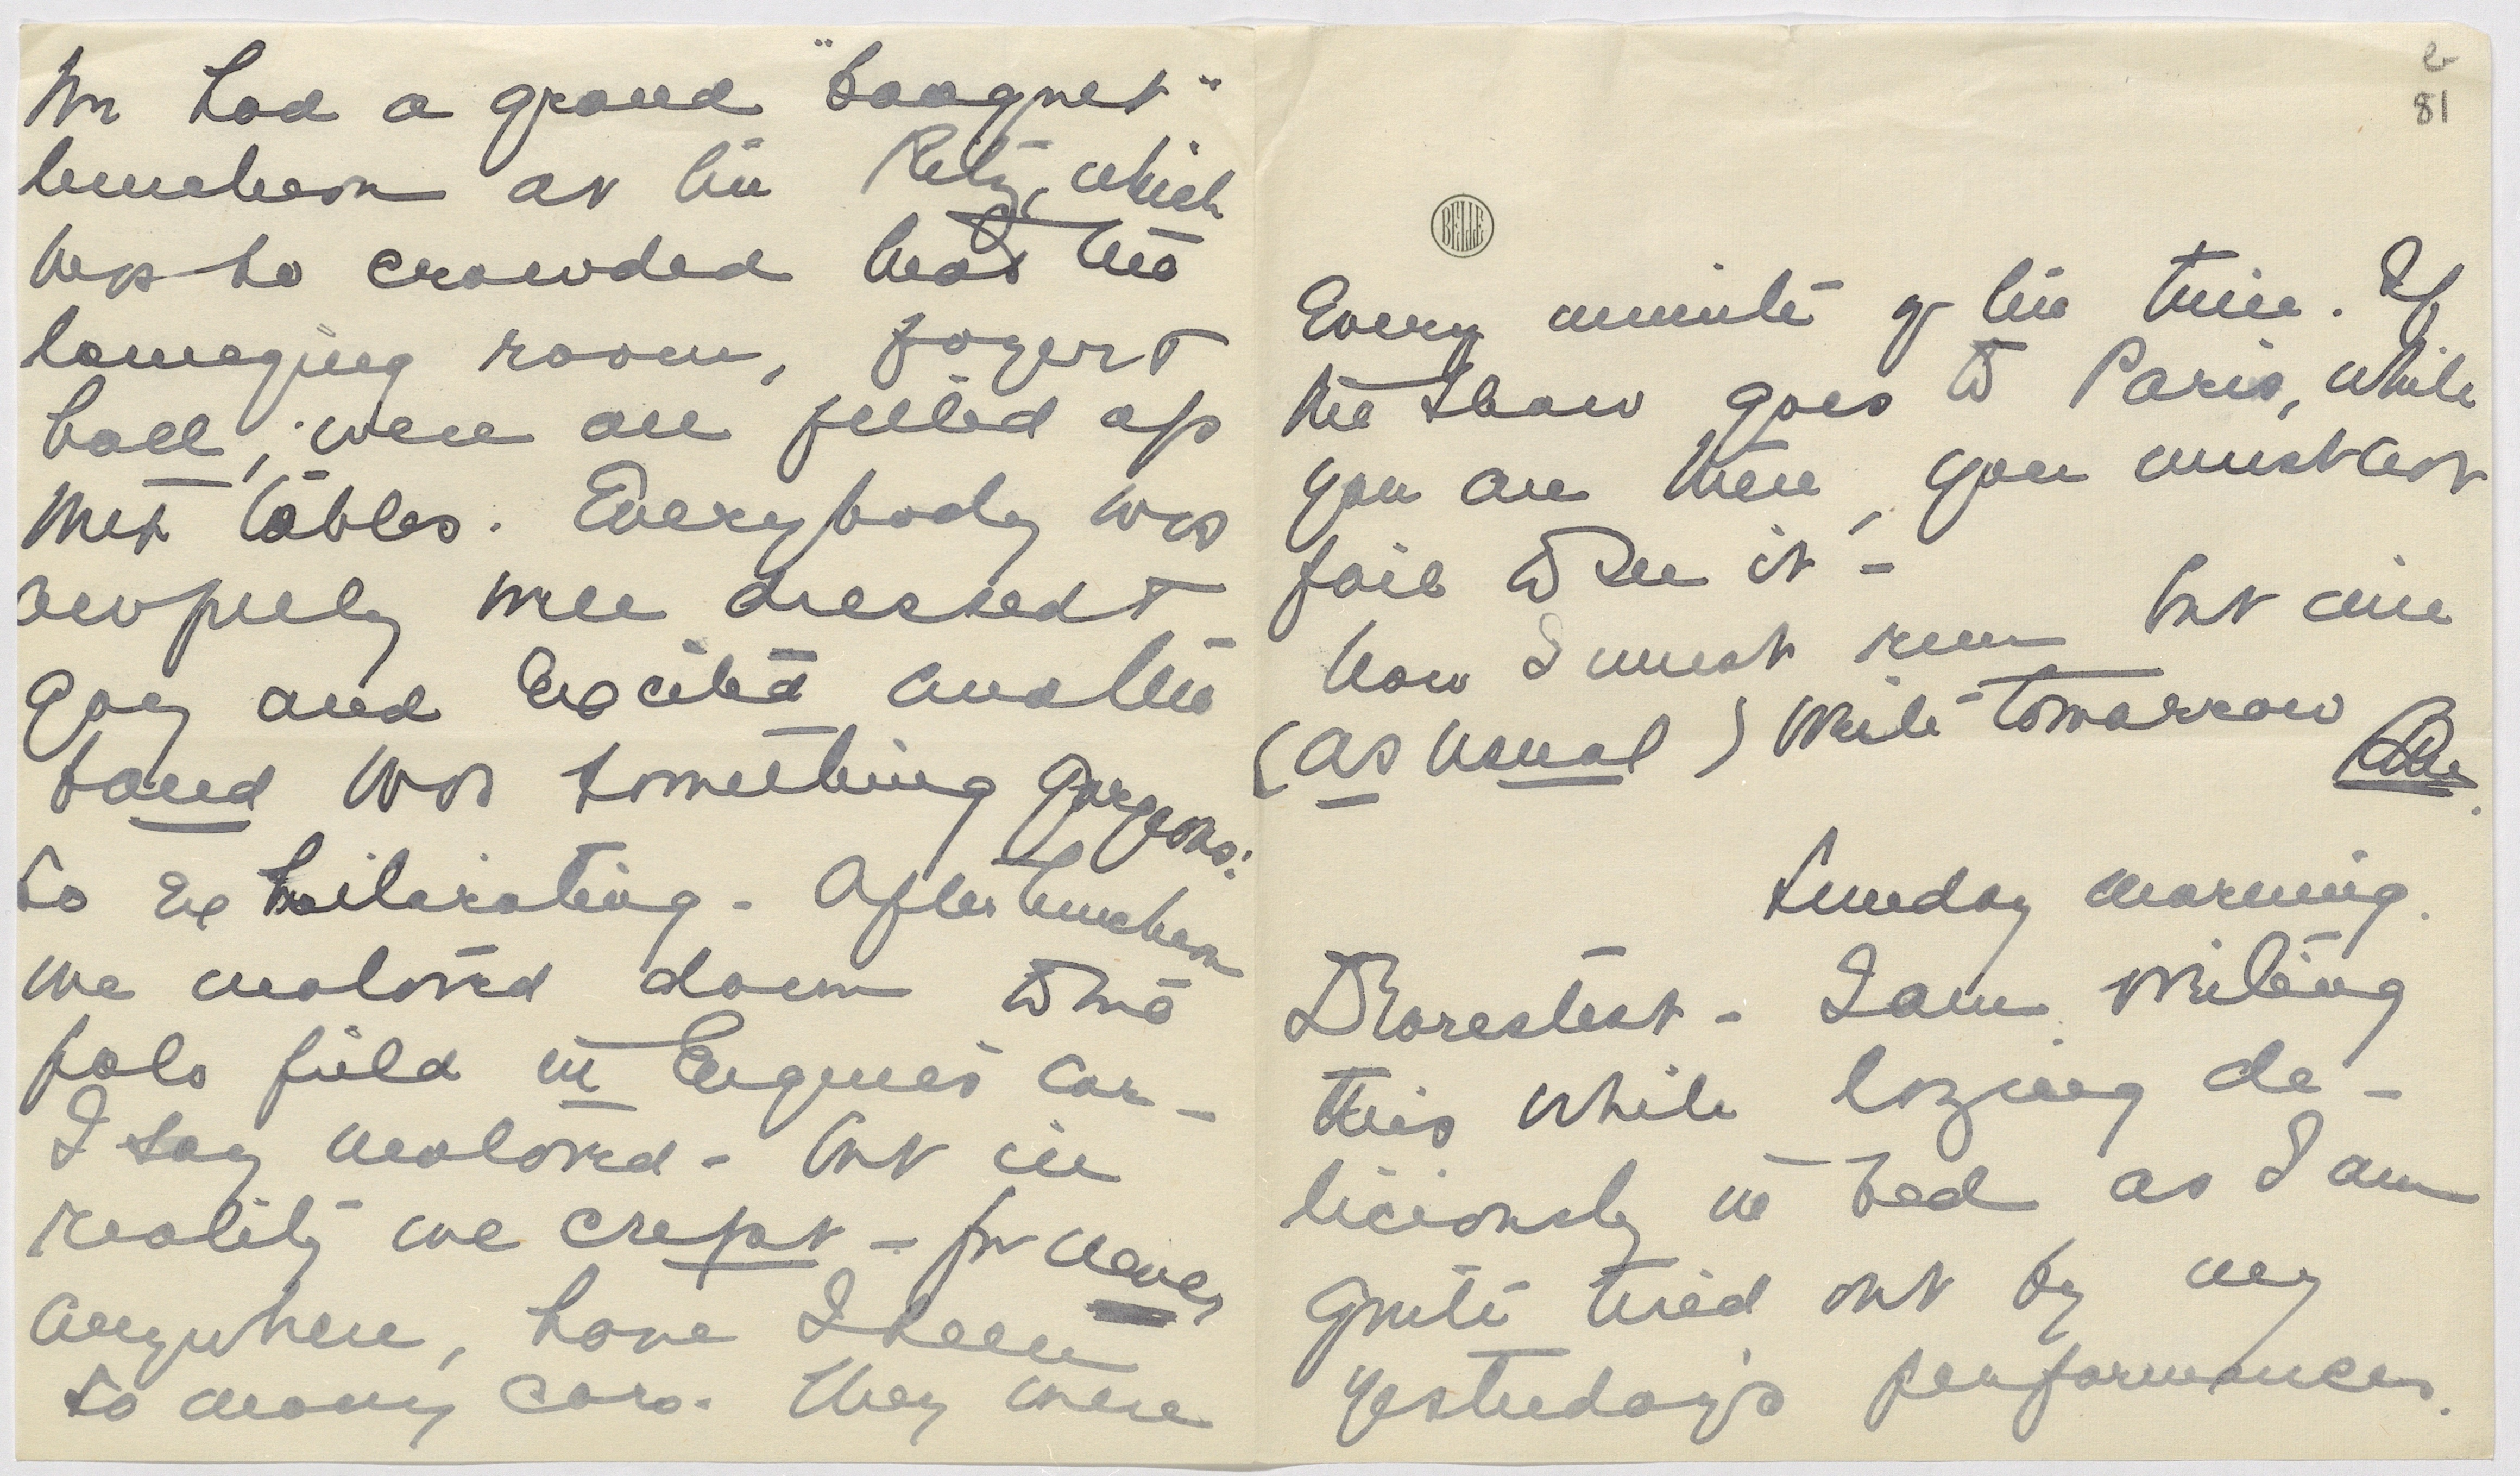every minute of the time. If the show goes to Paris, while you are there, you must not fail to see it –
how I must run but will (as usual) write tomorrow
Belle
Sundary morning.
Dearestest – I am writing this while lazing deliciously in bed as I am quite tired out by my yesterday’s performance.
I’ve had a grand “banquet” luncheon at the Ritz which was so crowded that the lounging room, foyer & ball, were all filled up with tables. Everybody was awfully well dressed & gay and excited and the band was something gorgeous! so exhilirating – after luncheon we motored down to the polo field in Eugene’s car – I say motored – but in reality we crept – for [double underlined: never] anywhere, have I seen so many cars. They were